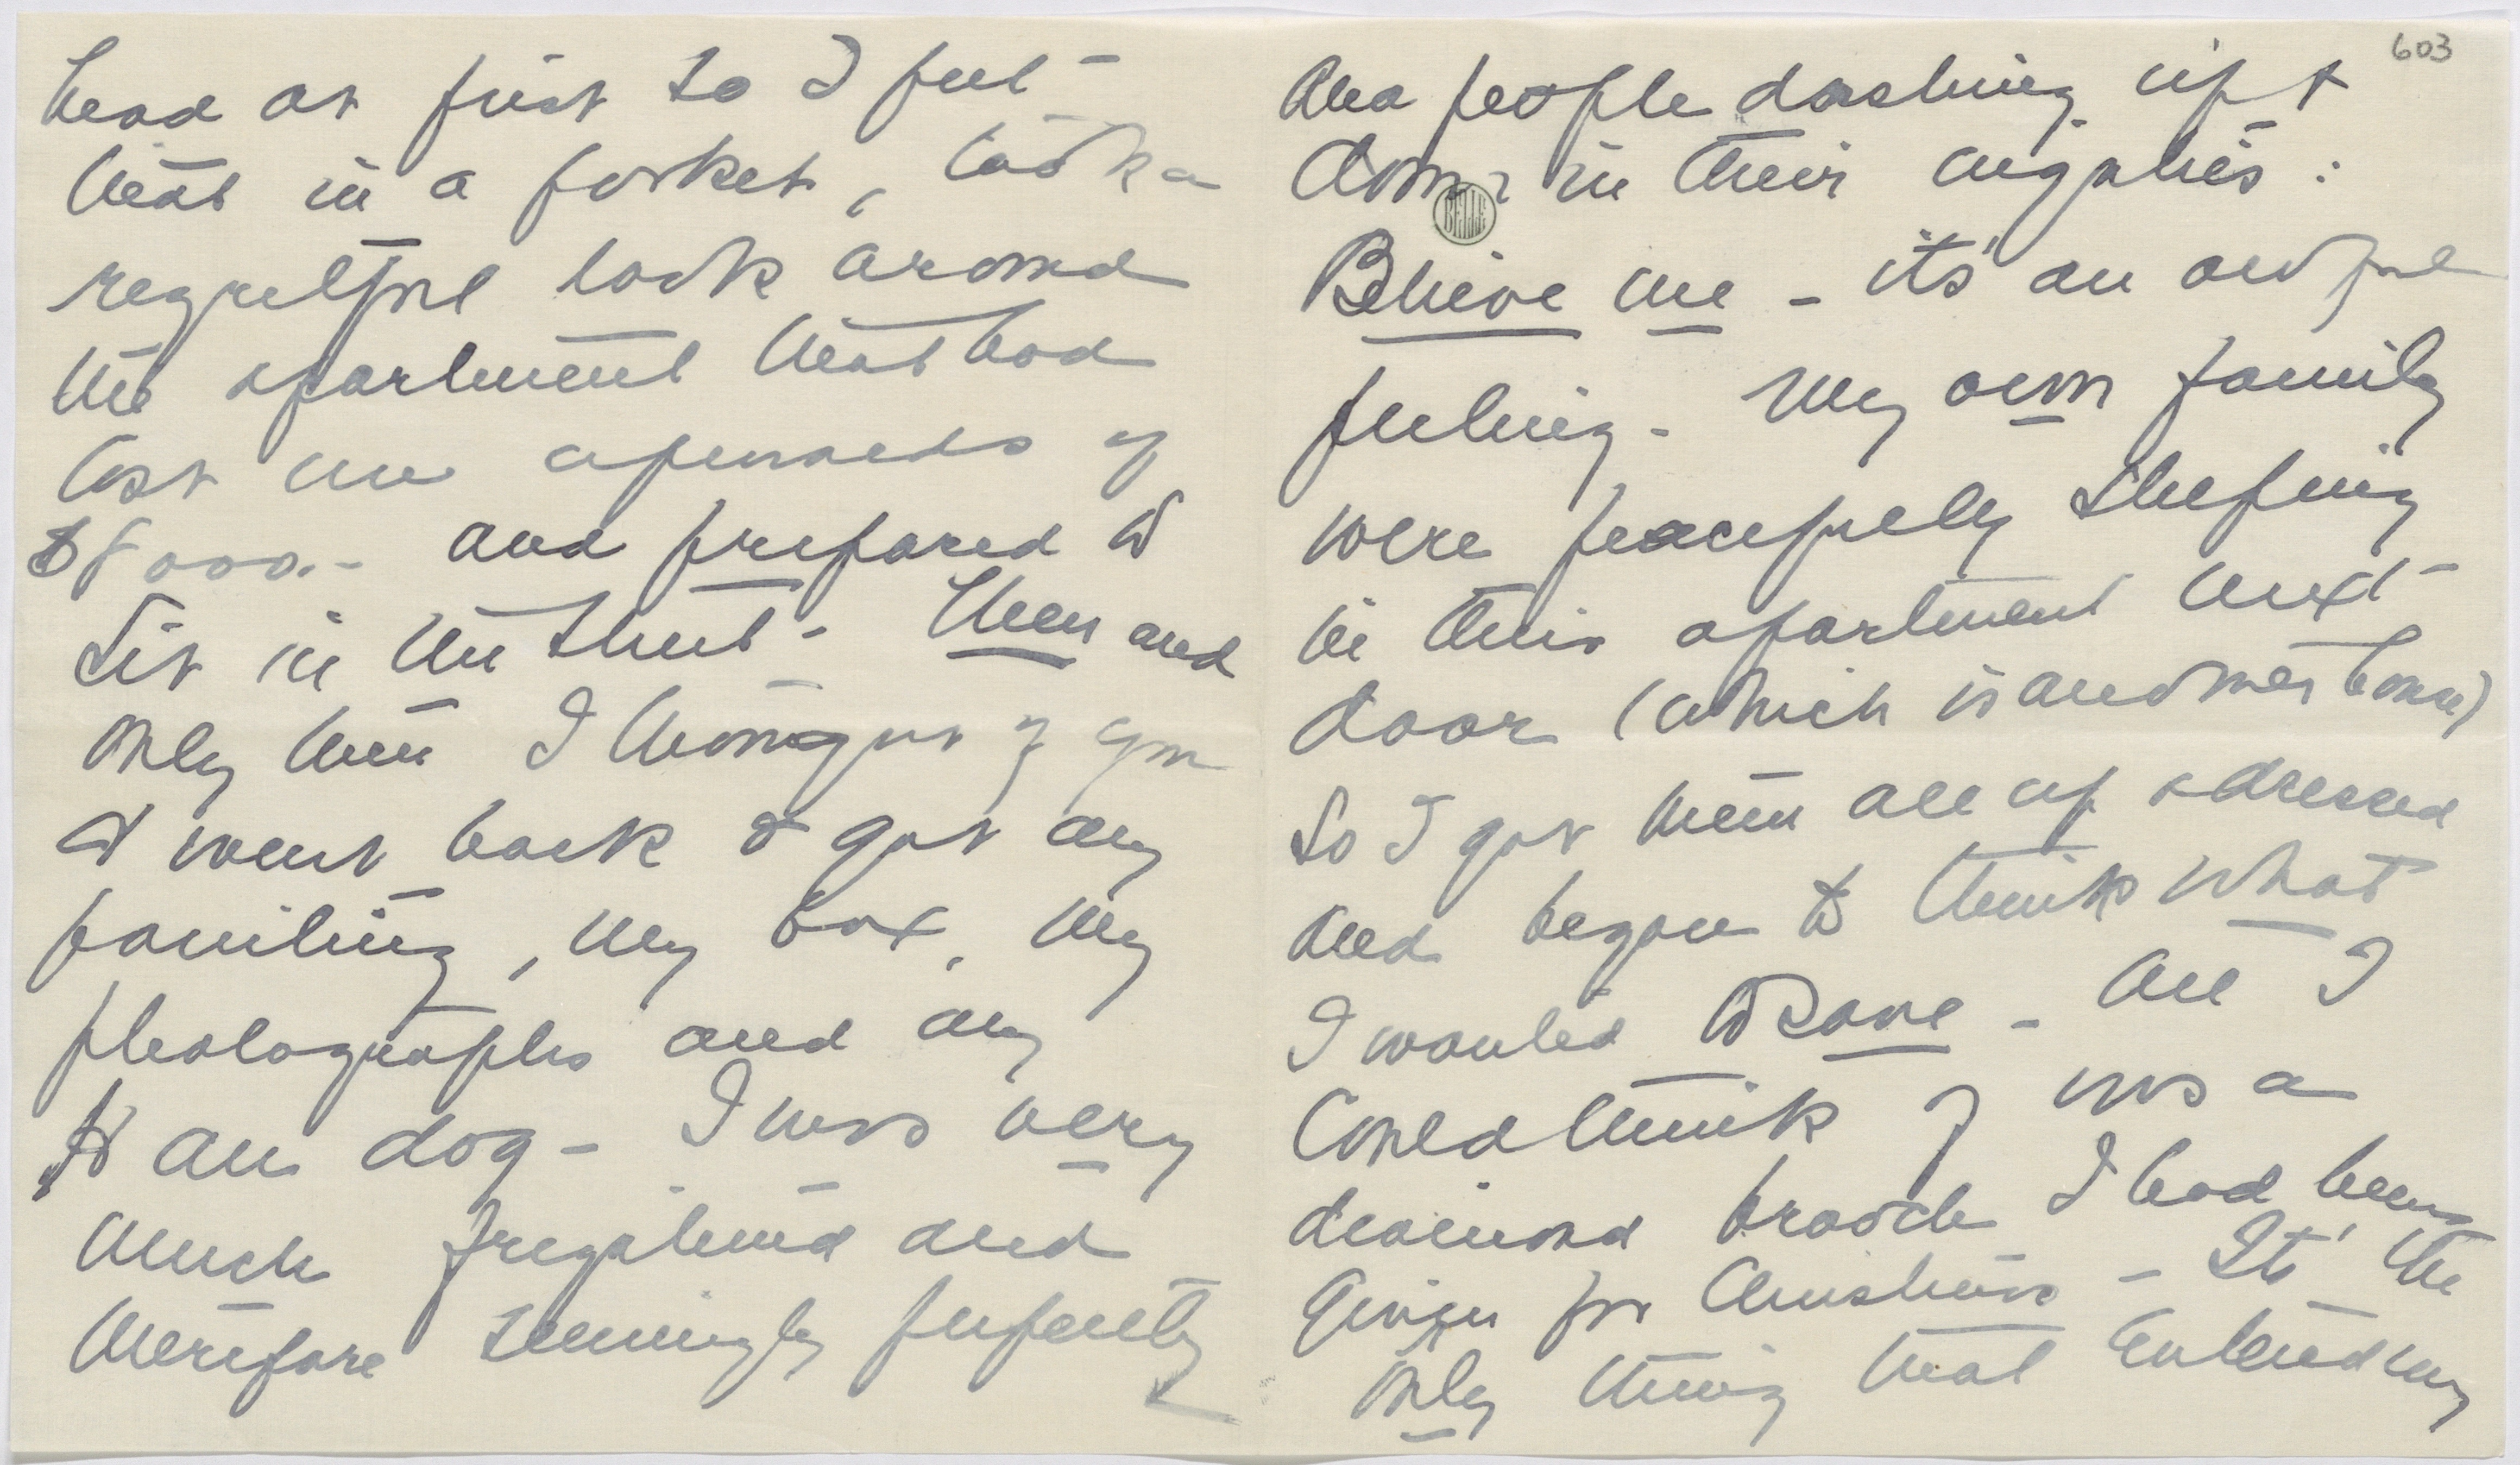and people dashing up & down in their nighties: Believe me – it’s an awful feeling – My own family were peacefully sleeping in their apartment next door (which is another house) so I got them all up & dressed and began to think what I wanted to save – all I could think of was a diamond brooch I had been given for Christmas – It’s the only thing that entered my
head at first so I put that in a pocket, took a regretful look around the apartment that had cost me upwards of $8000. – and prepared to sit in the street – Then and only then I thought of you & went back & got my painting, my box, my photographs and my Han dog – I was very much frightened and therefore seemingly perfectly